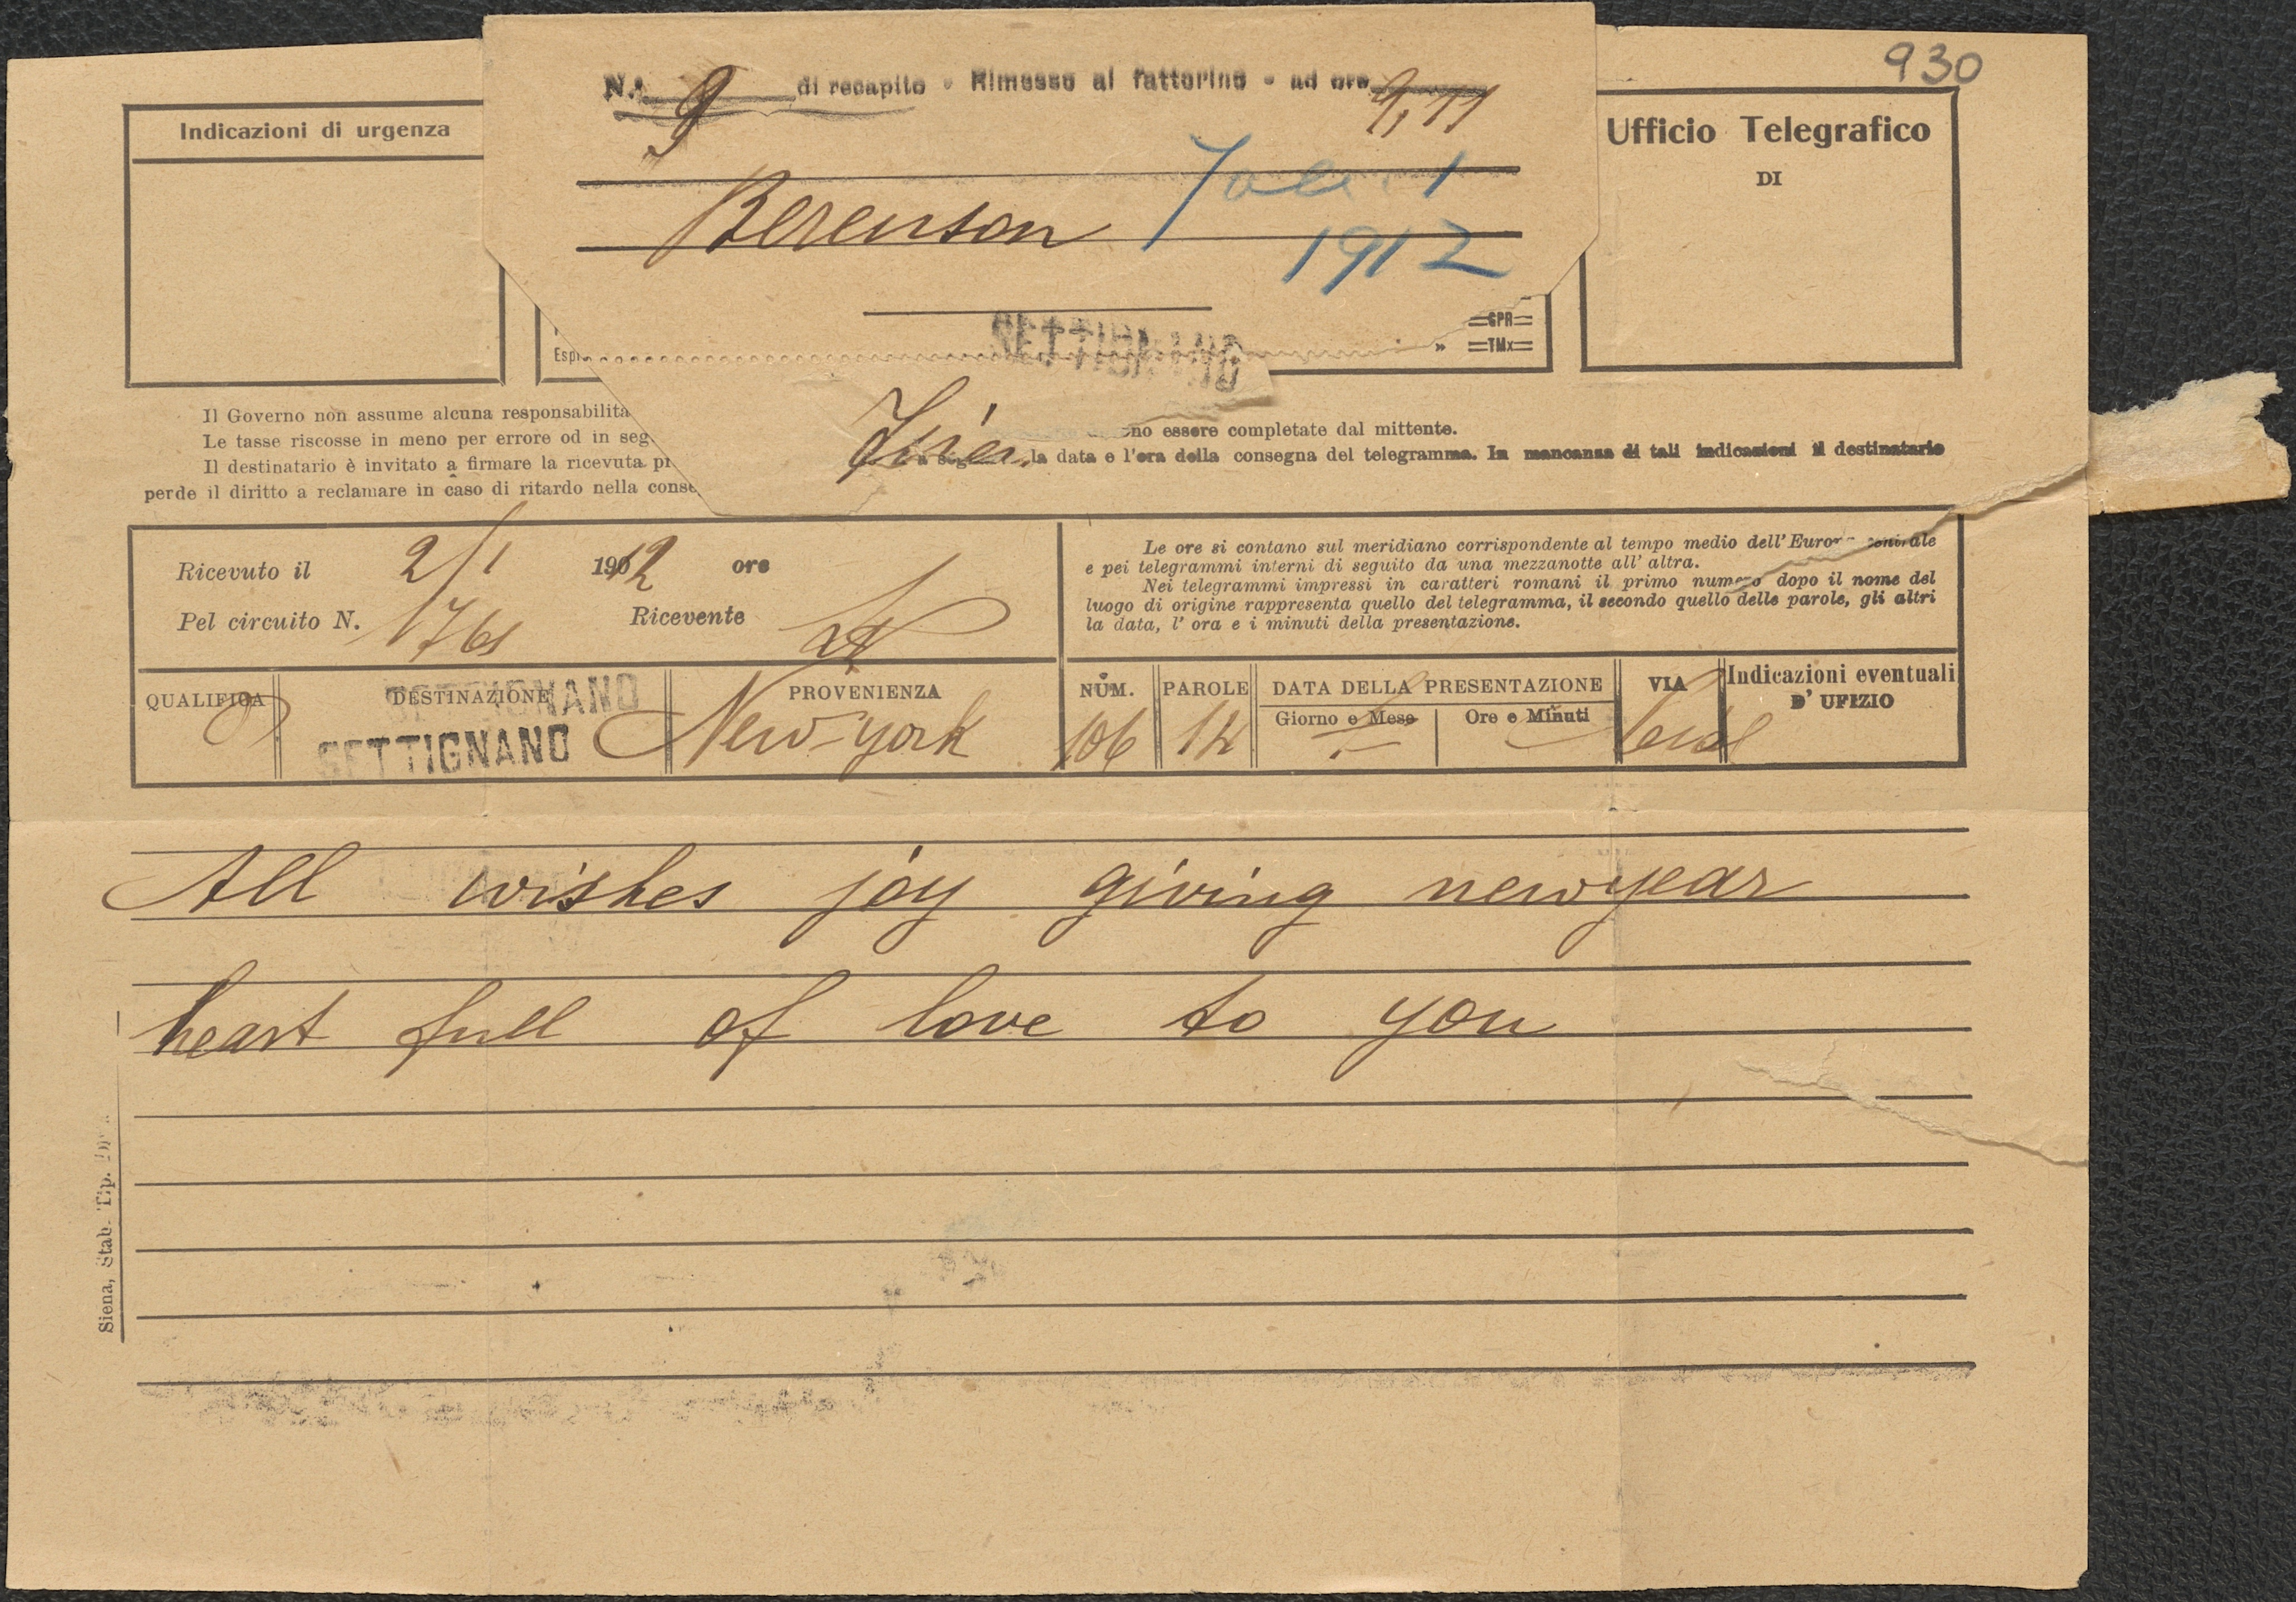All wishes joy giving new year heart full of love to you